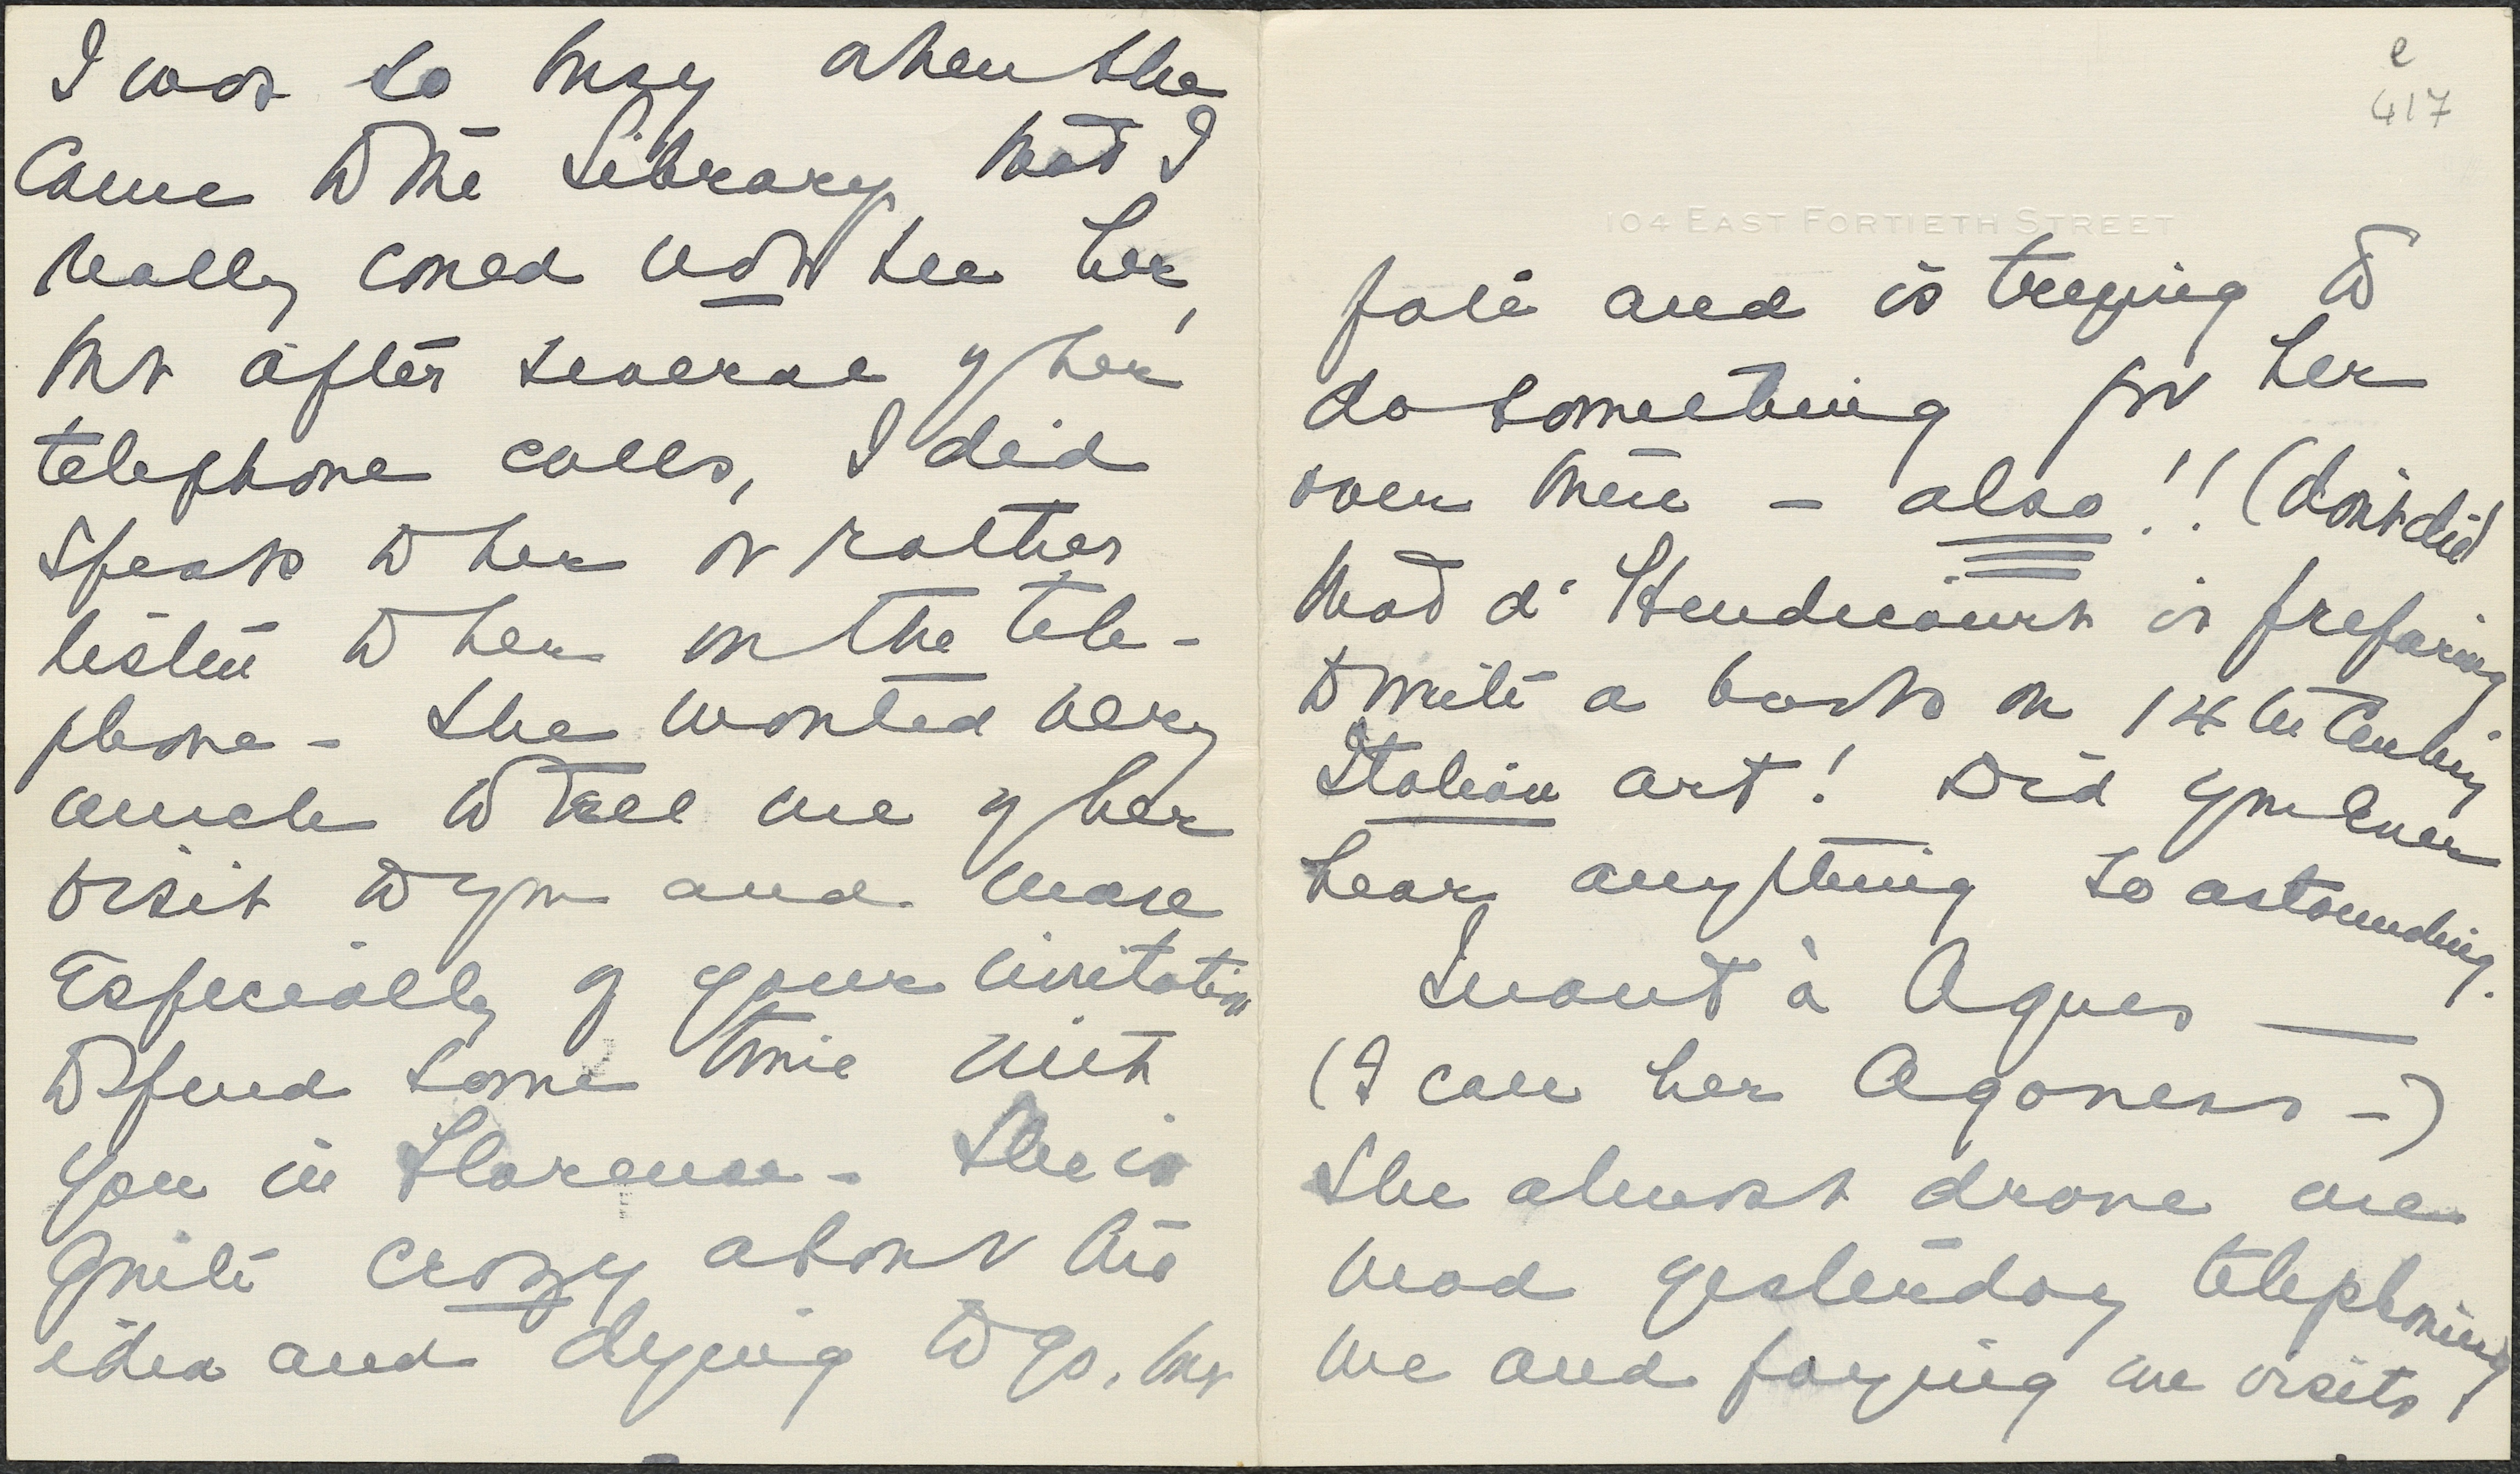fate and is trying to do something for her over there – [triple underlined: also]!! (don’t die) that d’Hendecourt is preparing to write a book on 14th century Italian art! Did you ever hear anything so astounding.
Quant à Agnes – (I call her Agoness –) She almost drove me mad yesterday telephoning me and paying me visits
I was so busy when she came to the Library that I really could not see her, but after several of her telephone calls, I did speak to her or rather listen to her on the telephone – she wanted very much to tell me of her visit to you and more especially of your invitation to spend some time with you in Florence – she is quite crazy about the idea and dying to go, but